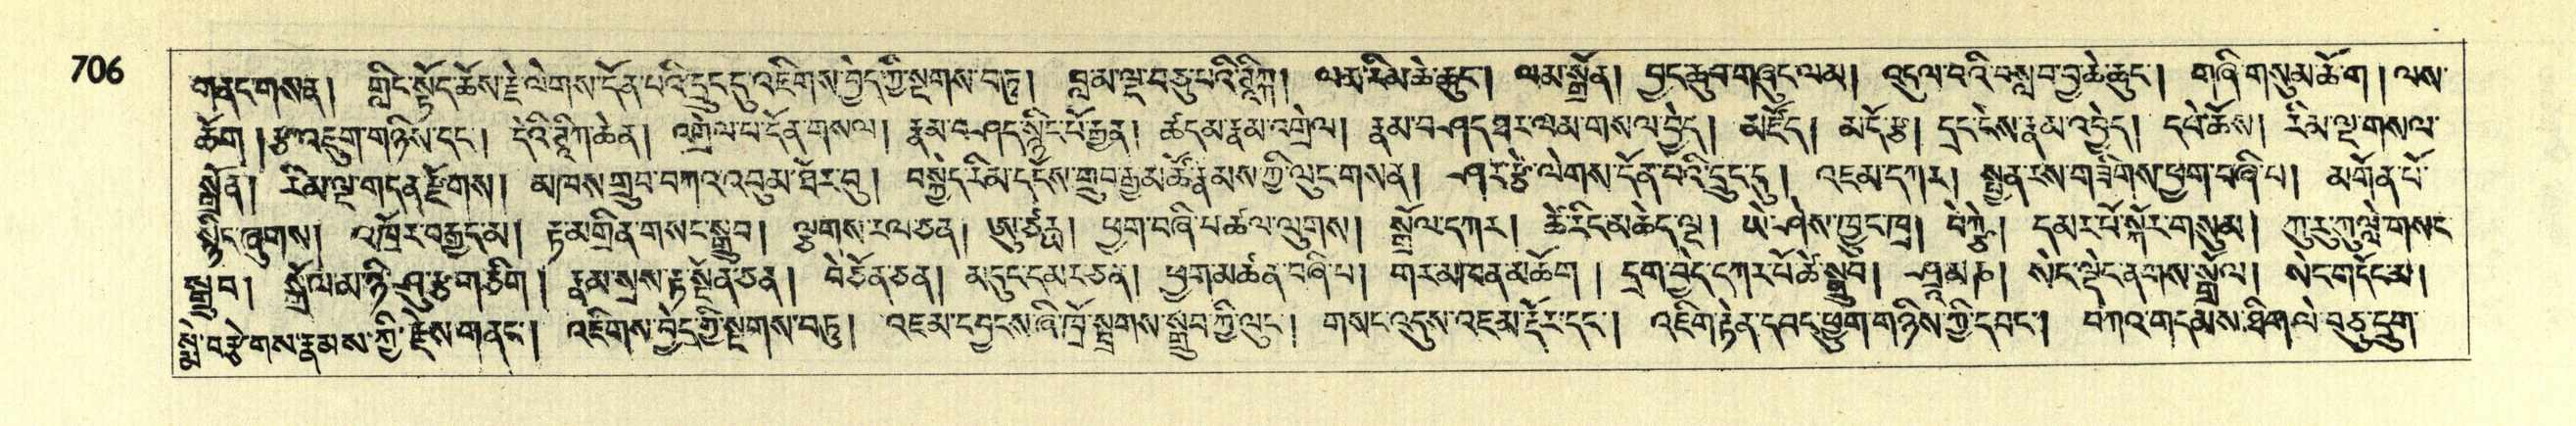གནང་གསན། གླིང་སྟོད་ཆོས་རྗེ་ལེགས་དོན་པའི་དྲུང་དུ་འཇིགས་བྱེད་ཀྱི་སྔགས་བཏུ། བླ་མ་ལྔ་བཅུ་པའི་ཊཱིཀྐ། ལམ་རིམ་ཆེ་ཆུང་། ལམ་སྒྲོན། བྱང་ཆུབ་གཞུང་ལམ། འདུལ་བའི་བསླབ་བྱ་ཆེ་ཆུང་། གཞི་གསུམ་ཆོ་ག། ལས་
ཆོག །རྩ་འཇུག་གཉིས་དང་། དེའི་ཊཱིཀ་ཆེན། འགྲེལ་པ་དོན་གསལ། རྣམ་བཤད་སྙིང་པོ་རྒྱན། ཚད་མ་རྣམ་འགྲེལ། རྣམ་བཤད་ཐར་ལམ་གསལ་བྱེད། མཛོད། མདོ་རྩ། དྲང་ངེས་རྣམ་འབྱེད། དཔེ་ཆོས། རིམ་ལྔ་གསལ་
སྒྲོན། རིམ་ལྔ་གདན་རྫོགས། མཁས་གྲུབ་བཀའ་འབུམ་ཐོར་བུ། བསྐྱེད་རིམ་དངོས་གྲུབ་རྒྱ་མཚོ་རྣམས་ཀྱི་ལུང་གསན། ཤར་རྩེ་ལེགས་དོན་པའི་དྲུང་དུ། འཇམ་དཀར། སྤྱན་རས་གཟིགས་ཕྱག་བཞི་པ། མགོན་པོ་
སྙིང་ཞུགས། འཁྲོར་བརྒྱད་མ། རྟ་མགྲིན་གསང་སྒྲུབ། ལྕགས་རལ་ཅན། ཨུ་ཙརྱ། ཕྱག་བཞི་པ་ཚལ་ལུགས། སྒྲོལ་དཀར། ཚེ་རིང་མཆེད་ལྔ། ཡེ་ཤེས་ཁྱུང་ཁྲ། བེཀྩེ། དམར་པོ་སྐོར་གསུམ། ཀུ་རུ་ཀུལླེ་གསང་
སྒྲུབ། སྒྲོལ་མ་ཉི་ཤུ་རྩ་གཅིག། རྣམ་སྲས་རྟ་སྔོན་ཅན། བེ་ཅོན་ཅན། མདུང་དམར་ཅན། ཕྱག་མཚན་བཞི་པ། གར་མཁན་མཆོག། དྲག་བྱེད་དཀར་པོ་ཚེ་སྒྲུབ། ཤྲཱ་མཎ། སེང་ལྡེང་ནགས་སྒྲོལ། སེང་གདོང་མ།
སྨེ་བརྩེགས་རྣམས་ཀྱི་རྗེས་གནང་། འཇིགས་བྱེད་གྱི་སྔགས་བཏུ། འཇམ་དབྱངས་ཞི་ཁྲོ་སྦྲགས་སྒྲུབ་ཀྱི་ལུང་། གསང་འདུས་འཇམ་རྡོར་དང་། འཇིག་རྟེན་དབང་ཕྱུག་གཉིས་ཀྱི་དབང་། བཀའ་གདམས་ཐིག་ལེ་བཅུ་དྲུག་